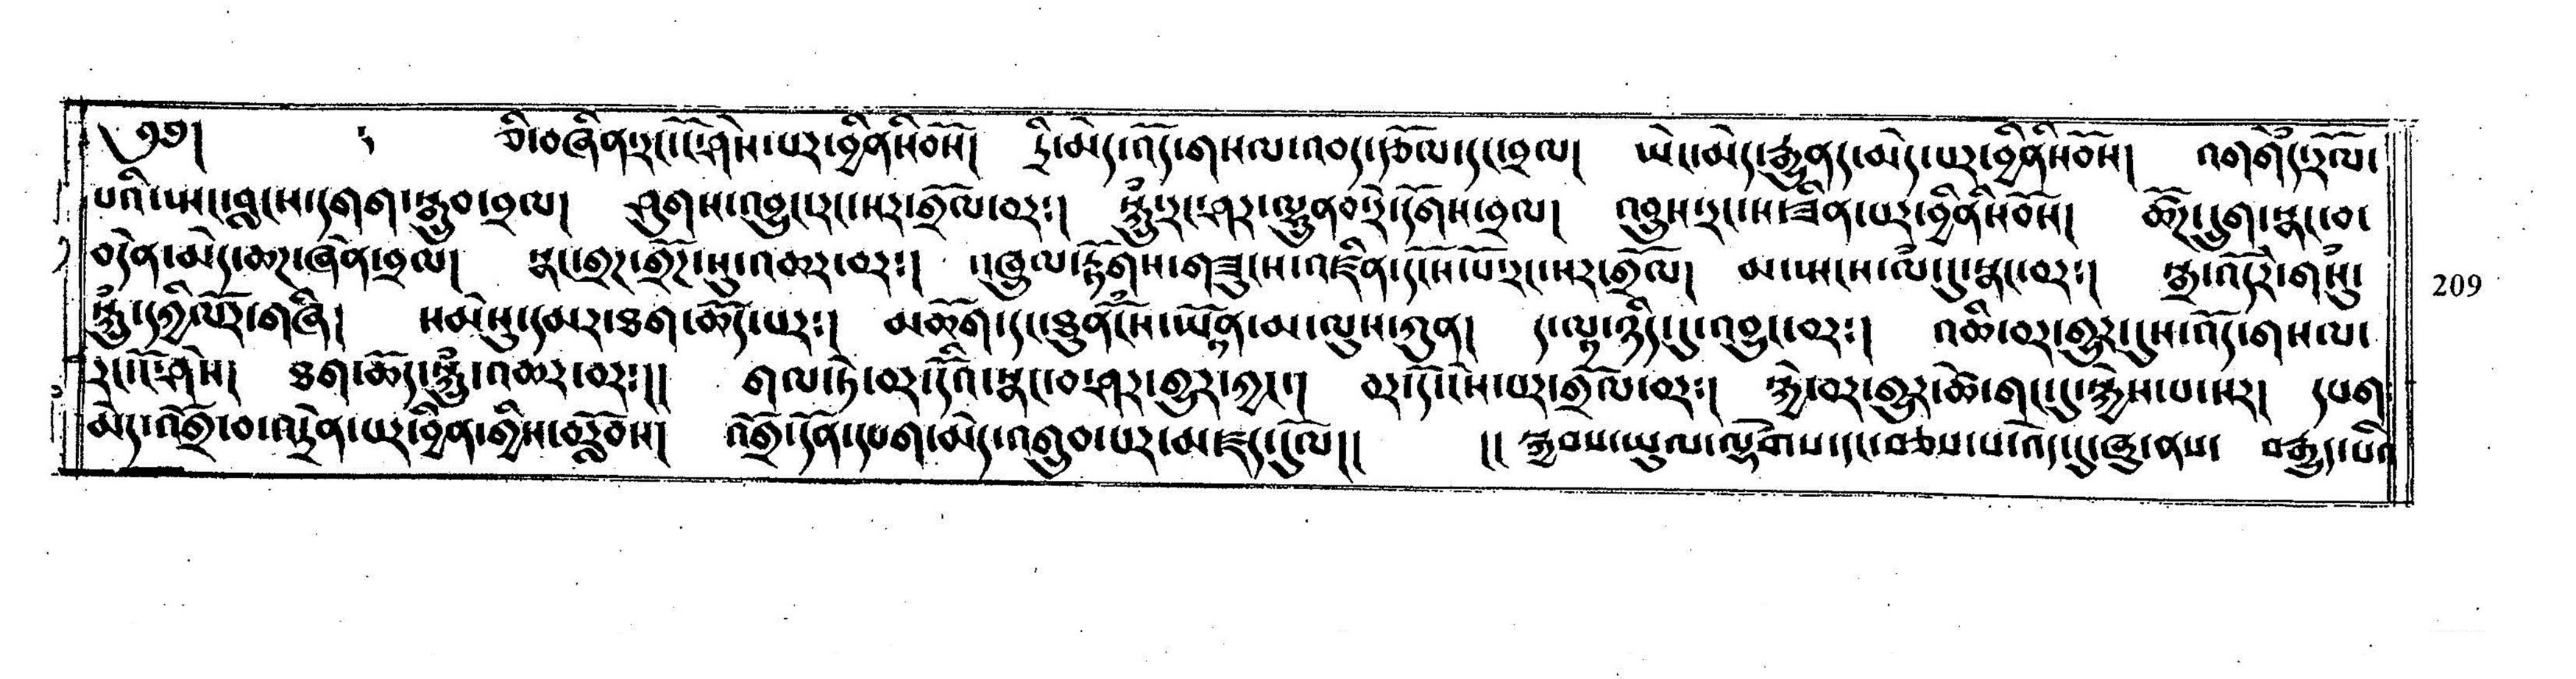ཅི་བཞིན་རང་ངོ་ཤེས་པར་བྱིན་གྱིས་རློབས། དྲི་མེད་འོད་གསལ་འབད་རྩོལ་༼བློ་?༽དང་བྲལ། ཡེང་མེད་རྒྱུན་ཆད་མེད་པར་བྱིན་གྱིས་རློབས། འགག་མེད་རོལ་
པའི་སྤང་བླངས་དགག་སྒྲུབ་བྲལ། ཤུགས་འབྱུང་རང་སར་གྲོལ་བར༴། སྐུ་གསུམ་རང་ཤར་ལྷུན་གྲུབ་རེ་དོགས་བྲལ། འབྲས་བུ་རང་ས་ཟིན་པར་བྱིན་གྱིས་རློབས། ཚོགས་དྲུག་སྣང་བ་
བདེན་མེད་ཆགས་ཞེན་བྲལ། སྣང་གྲགས་གྲོགས་སུ་འཆར་བར༴། འཁྲུལ་རྟོག་གཟུང་འཛིན་དངོས་པོ་རང་སར་གྲོལ། མ་སྤངས་ལམ་དུ་སྣང་བར༴། སྒྲ་འོད་ཟེར་གསུམ་
སྐུ་གསུམ་དཀྱིལ་འཁོར་གཞི། སེམས་སུ་དམར་ཐག་ཆོད་པར༴། མཆོག་དང་ཐུན་མོང་ཡོན་ཏན་མ་ལུས་ཀུན། ད་ལྟ་ཉིད་དུ་འབྱུང་བར༴། འཆི་བར་གྱུར་དུས་འོད་གསལ་
རང་ངོ་ཤེས། ཐག་ཆོད་སྐུ་གསུམ་འཆར་བར༴།། གལ་ཏེ་བར་དོའི་སྣང་བ་ཤར་གྱུར་ཀྱང་། བར་དོ་ངེས་པར་གྲོལ་བར༴། སྐྱེ་བར་གྱུར་ཚེ་གང་དུ་སྐྱེས་པའི་སར། དཔག་
མེད་འགྲོ་བ་འདྲེན་པར་བྱིན་གྱིས་རློབས། འགྲོ་དོན་དཔག་མེད་འགྲུབ་པར་མཛད་དུ་གསོལ། །།སྐྱབས་ཡུལ་ལྷ་ཚོགས་དང་བཅས་པ་འོད་དུ་ཞུ་ནས། བརྒྱུད་པའི་